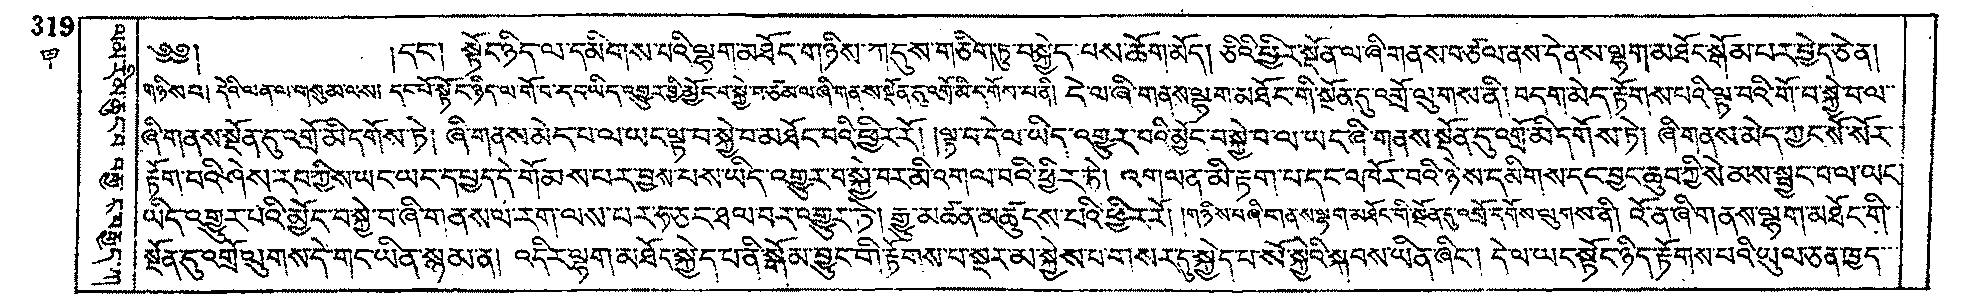༄༅། །དང་། སྟོང་ཉིད་ལ་དམིགས་པའི་ལྷག་མཐོང་གཉིས་ཀ་དུས་གཅིག་ཏུ་བསྐྱེད་པས་ཆོག་མོད། ཅིའི་ཕྱིར་སྔོན་ལ་ཞི་གནས་བཙལ་ནས་དེ་ནས་ལྷག་མཐོང་སྒོམ་པར་བྱེད་ཅེ་ན།
གཉིས་པ། དེའི་ལན་ལ་གསུམ་ལས། དང་པོ་སྟོང་ཉིད་ལ་གོ་བ་དང་ཡིད་འགྱུར་གྱི་མྱོང་བ་སྐྱེ་བ་ཙམ་ལ་ཞི་གནས་སྔོན་དུ་འགྲོ་མི་དགོས་པ་ནི།  དེ་ལ་ཞི་གནས་ལྷག་མཐོང་གི་སྔོན་དུ་འགྲོ་ལུགས་ནི། བདག་མེད་རྟོགས་པའི་ལྟ་བའི་གོ་བ་སྐྱེ་བ་ལ་
ཞི་གནས་སྔོན་དུ་འགྲོ་མི་དགོས་ཏེ། ཞི་གནས་མེད་པ་ལ་ཡང་ལྟ་བ་སྐྱེ་བ་མཐོང་བའི་ཕྱིར་རོ། །ལྟ་བ་དེ་ལ་ཡིད་འགྱུར་བའི་མྱོང་བ་སྐྱེ་བ་ལ་ཡང་ཞི་གནས་སྔོན་དུ་འགྲོ་མི་དགོས་ཏེ། ཞི་གནས་མེད་ཀྱང་སོ་སོར་
རྟོག་པའི་ཤེས་རབ་ཀྱིས་ཡང་ཡང་དཔྱད་དེ་གོམས་པར་བྱས་པས་ཡིད་འགྱུར་བ་སྐྱེ་བར་མི་འགལ་བའི་ཕྱིར་ཏེ། འགལ་ན་མི་རྟག་པ་དང་འཁོར་བའི་ཉེས་དམིགས་དང་བྱང་ཆུབ་ཀྱི་སེམས་སྦྱང་བ་ལ་ཡང་
ཡིད་འགྱུར་པའི་མྱོང་བ་སྐྱེ་བ་ཞི་གནས་ལ་རག་ལས་པར་ཧ་ཅང་ཐལ་བར་འགྱུར་ཏེ། རྒྱུ་མཚན་མཚུངས་པའི་ཕྱིར་རོ། །གཉིས་པ་ཞི་གནས་ལྷག་མཐོང་གི་སྔོན་དུ་འགྲོ་དགོས་ལུགས་ནི།  འོ་ན་ཞི་གནས་ལྷག་མཐོང་གི་
སྔོན་དུ་འགྲོ་ལུགས་དེ་གང་ཡིན་སྙམ་ན། འདིར་ལྷག་མཐོང་སྐྱེད་པ་ནི་སྒོམ་བྱུང་གི་རྟོགས་པ་སྔར་མ་སྐྱེས་པ་གསར་དུ་སྐྱེད་པ་སོ་སྐྱེའི་སྐབས་ཡིན་ཞིང་། དེ་ལ་ཡང་སྟོང་ཉིད་རྟོགས་པའི་ཡུལ་ཅན་ཁྱད་